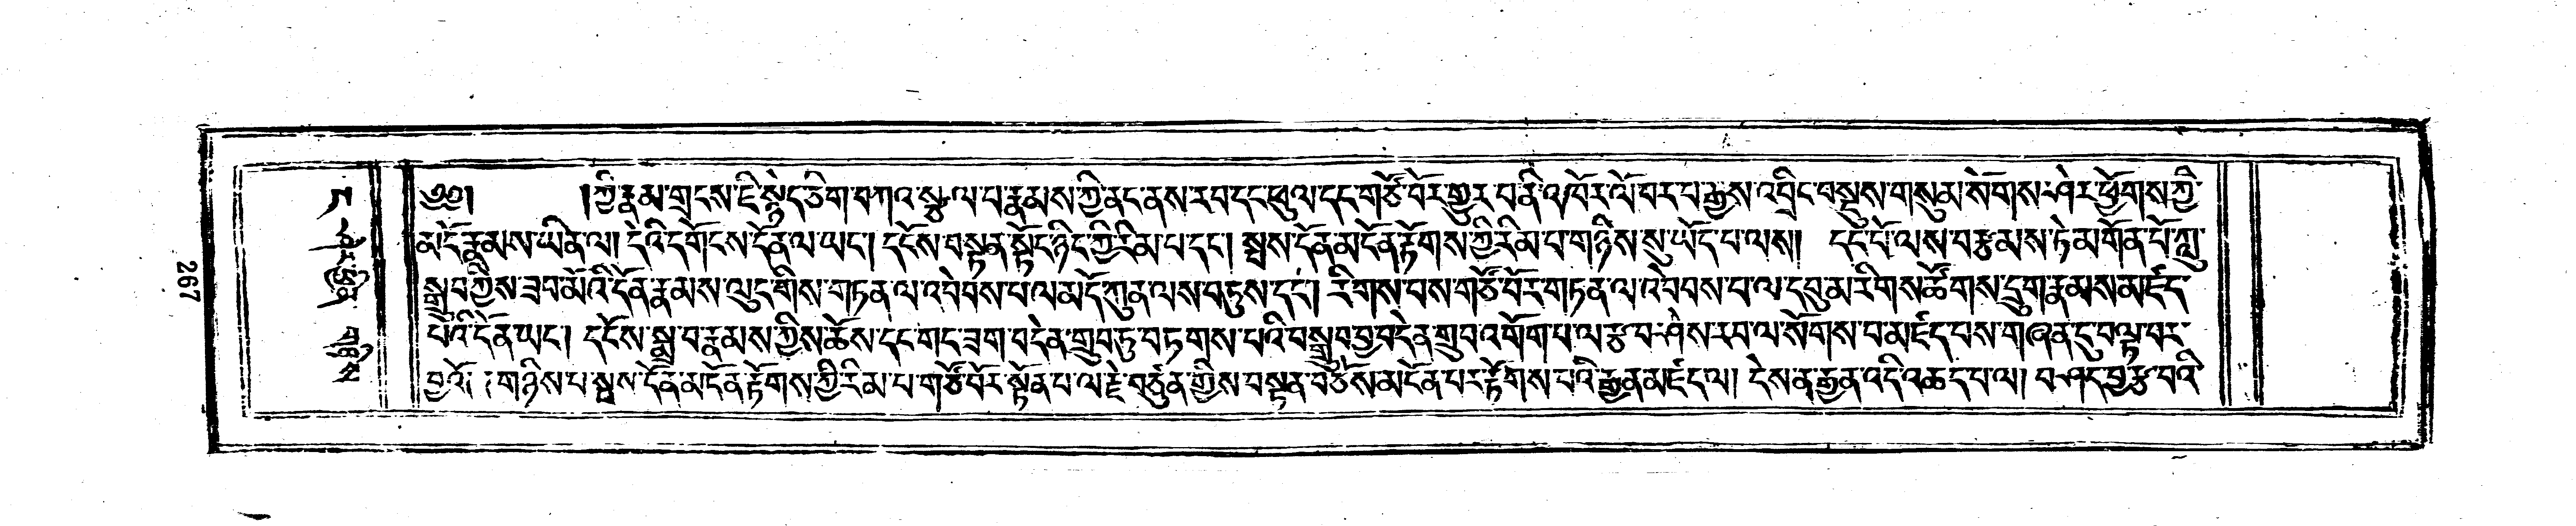༄༅། །ཀྱི་རྣམ་གྲངས་ཇི་སྙེད་ཅིག་བཀའ་སྩལ་པ་རྣམས་ཀྱི་ནང་ནས་རབ་དང་ཕུལ་དང་གཙོ་བོར་གྱུར་པ་ནི་འཁོར་ལོ་བར་པ་རྒྱས་འབྲིང་བསྡུས་གསུམ་སོགས་ཤེར་ཕྱོགས་ཀྱི་
མདོ་རྣམས་ཡིན་ལ། དེའི་དགོངས་དོན་ལ་ཡང་། དངོས་བསྟན་སྟོང་ཉིད་ཀྱི་རིམ་པ་དང་། སྦས་དོན་མངོན་རྟོགས་ཀྱི་རིམ་པ་གཉིས་སུ་ཡོད་པ་ལས། དང་པོ་ལས་བརྩམས་ཏེ་མགོན་པོ་ཀླུ་
སྒྲུབ་ཀྱིས་ཟབ་མོའི་དོན་རྣམས་ལུང་གིས་གཏན་ལ་འབེབས་པ་ལ་མདོ་ཀུན་ལས་བཏུས་དང་། རིགས་པས་གཙོ་བོར་གཏན་ལ་འབེབས་པ་ལ་དབུ་མ་རིགས་ཚོགས་དྲུག་རྣམས་མཛད་
པའི་དོན་ཡང་། དངོས་སྨྲ་བ་རྣམས་ཀྱིས་ཆོས་དང་གང་ཟག་བདེན་གྲུབ་ཏུ་བཏགས་པའི་བསྒྲུབ་བྱ་བདེན་གྲུབ་འགོག་པ་ལ་རྩ་བ་ཤེས་རབ་ལ་སོགས་པ་མཛད་པས་གཞན་དུ་བལྟ་བར་
བྱའོ༑ ༑གཉིས་པ་སྦས་དོན་མངོན་རྟོགས་ཀྱི་རིམ་པ་གཙོ་བོར་སྟོན་པ་ལ་རྗེ་བཙུན་གྱིས་བསྟན་བཅོས་མངོན་པར་རྟོགས་པའི་རྒྱན་མཛད་ལ། དེས་ན་རྒྱན་འདི་འཆད་པ་ལ། བཤད་བྱ་རྩ་བའི་